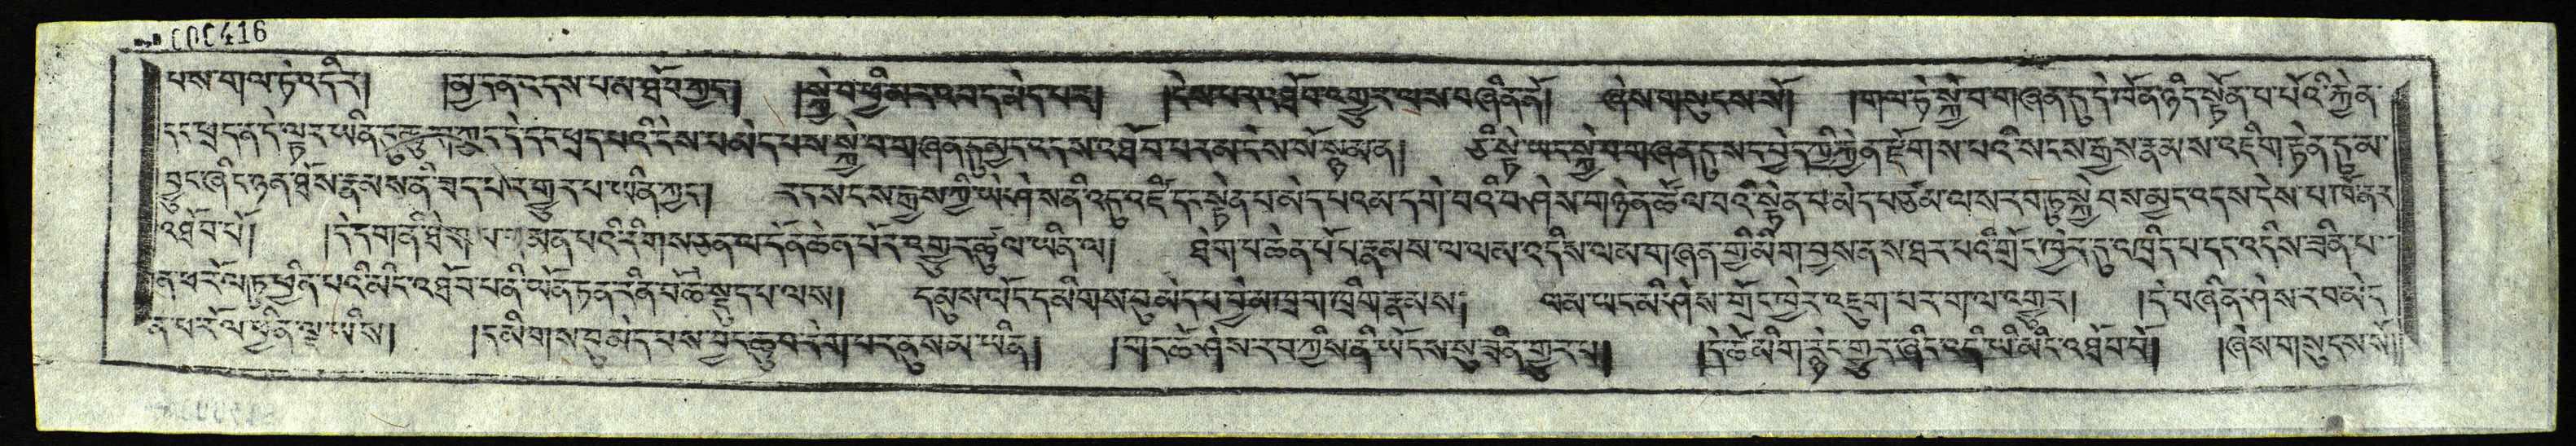པས་གལ་ཏེ་འདིར། །མྱ་ངན་འདས་པ་མ་ཐོབ་ཀྱང་། །སྐྱེ་བ་ཕྱི་མར་འབད་མེད་པར། །ངེས་པར་འཐོབ་འགྱུར་ལས་བཞིན་ནོ། ཞེས་གསུངས་སོ། །གལ་ཏེ་སྐྱེ་བ་གཞན་དུ་དེ་ཁོ་ན་ཉིད་སྟོན་པ་པོའི་རྐྱེན་
དང་ཕྲད་ན་དེ་ལྟར་ཡིན་དུ་ཆུག་ཀྱང་དེ་དང་ཕྲད་པའི་ངེས་པ་མེད་པས་སྐྱེ་བ་གཞན་དུ་མྱང་འདས་འཐོབ་པར་མ་ངེས་སོ་སྙམ་ན། ཅི་སྟེ་ཡང་སྐྱེ་བ་གཞན་དུ་སང་བྱེད་ཀྱི་རྐྱེན་རྫོགས་པའི་སངས་རྒྱས་རྣམས་འཇིག་རྟེན་དུ་མ་
བྱུང་ཞིང་ཉན་ཐོས་རྣམས་ནི་ཟད་པར་གྱུར་པ་ཡིན་ཀྱང་། རང་སངས་རྒྱས་ཀྱི་ཡེ་ཤེས་ནི་འདུ་འཛི་དང་སྟེན་པ་མེད་པའམ་དགེ་བའི་བཤེས་གཉེན་ཚོལ་བའི་སྟེན་པ་མེད་པ་ཙམ་ལས་རབ་ཏུ་སྐྱེ་བས་མྱང་འདས་དེས་པ་ཁོ་ནར་
འཐོབ་པོ། །དེ་དག་ནི་ཐེག་པ་དམན་པའི་རིགས་ཅན་ལ་དོན་ཆེན་པོར་འགྱུར་ཚུལ་ཡིན་ལ། ཐེག་པ་ཆེན་པོ་པ་རྣམས་ལ་ལམ་འདིས་ལམ་གཞན་གྱི་མིག་བྱས་ནས་ཐར་པའི་གྲོང་ཁྱེར་དུ་འཁྲིད་པ་དང་འདིས་ཟིན་པ་
ན་ཕ་རོལ་ཏུ་ཕྱིན་པའི་མིང་འཐོབ་པ་ནི་ཡོན་ཏན་རིན་པོ་ཆེ་སྡུད་པ་ལས། དམུས་ལོང་དམིགས་བུ་མེད་པ་བྱེ་མ་ཁྲག་ཁྲིག་རྣམས། ལམ་ཡང་མི་ཤེས་གྲོང་ཁྱེར་འཇུག་པར་ག་ལ་འགྱུར། །དེ་བཞིན་ཤེས་རབ་མེད་
ན་ཕ་རོལ་ཕྱིན་ལྔ་ཡིས། །དམིགས་བུ་མེད་པས་བྱང་ཆུབ་རེག་པར་ནུས་མ་ཡིན། །གང་ཚེ་ཤེས་རབ་ཀྱིས་ནི་ཡོངས་སུ་ཟིན་གྱུར་པ། །དེ་ཚེ་མིག་རྙེད་གྱུར་ཞིང་འདི་ཡི་མིང་འཐོབ་པོ། །ཞེས་གསུངས་སོ།